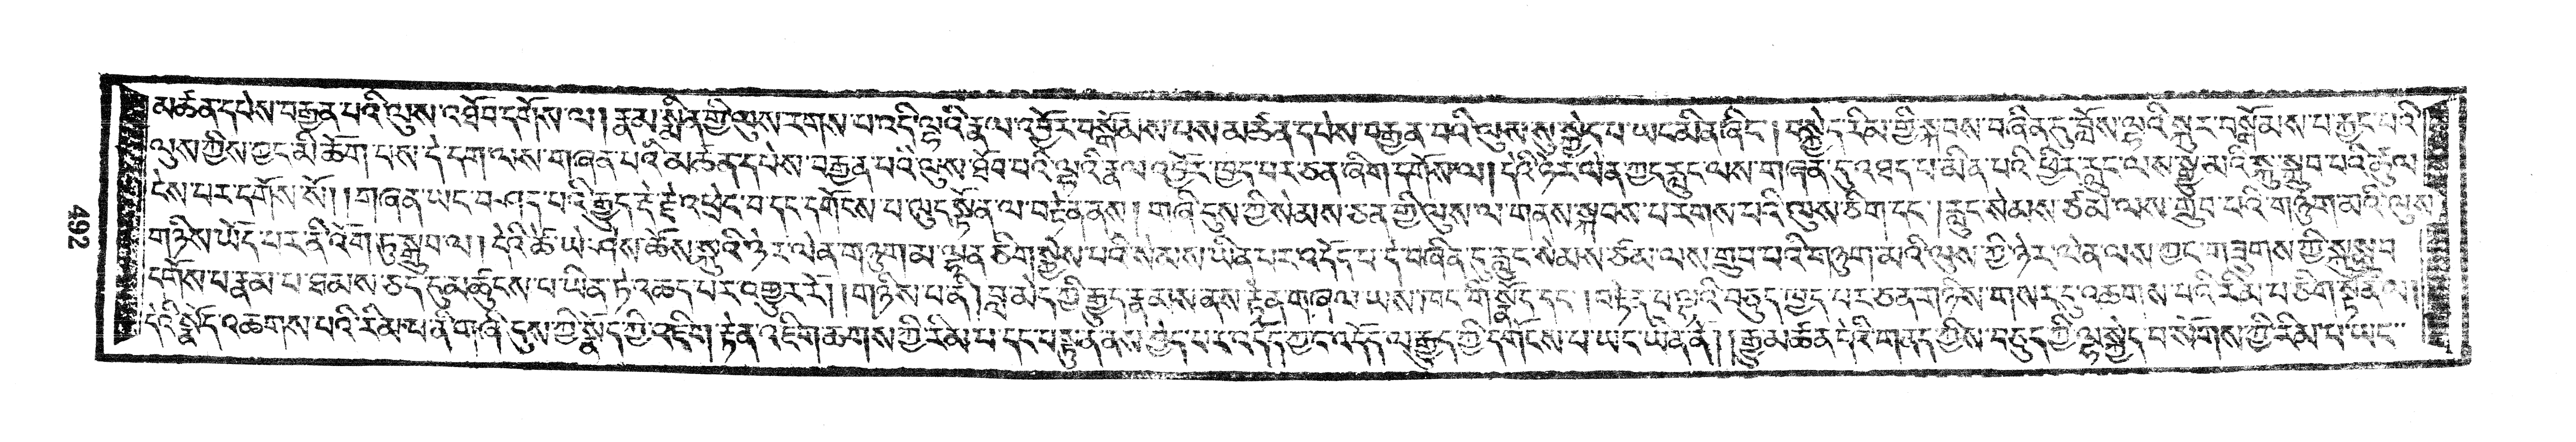མཚན་དཔེས་བརྒྱན་པའི་ལུས་འཐོབ་དགོས་ལ། རྣམ་སྨིན་གྱི་ལུས་རགས་པ་འདི་ལྷའི་རྣལ་འབྱོར་བསྒོམས་པས་མཚན་དཔེས་བརྒྱན་པའི་ལུས་སུ་སྐྱེད་པ་ཡང་མིན་ཞིང་། བསྐྱེད་རིམ་གྱི་སྐབས་བཞིན་དུ་བློས་ལྷའི་སྐུར་བསྒོམས་པ་རྐྱང་པའི་
ལུས་ཀྱིས་ཀྱང་མི་ཆོག་པས་དེ་དག་ལས་གཞན་པའི་མཚན་དཔེས་བརྒྱན་པའི་ལུས་ཐོབ་པའི་ལྷའི་རྣལ་འབྱོར་ཁྱད་པར་ཅན་ཞིག་དགོས་ལ། དེའི་ཉེར་ལེན་ཀྱང་རླུང་ལས་གཞན་དུ་འཐད་པ་མིན་པའི་ཕྱིར་རླུང་ལས་སྒྱུ་མའི་སྐུ་སྒྲུབ་པའི་ཚུལ་
ངེས་པར་དགོས་སོ། །གཞན་ཡང་བཤད་པའི་རྒྱུད་རྡོ་རྗེ་འཕྲེང་བ་དང་དགོངས་པ་ལུང་སྟོན་ལ་བརྟེན་ནས། གཞི་དུས་ཀྱི་སེམས་ཅན་གྱི་ལུས་ལ་གནས་སྐབས་པ་རགས་པའི་ལུས་ཅིག་དང་། རླུང་སེམས་ཙམ་ལས་གྲུབ་པའི་གཉུག་མའི་ལུས་
གཉིས་ཡོད་པར་ནི་འོག་ཏུ་སྒྲུབ་ལ། དེའི་ཚེ་ཡེ་ཤེས་ཆོས་སྐུའི་ཉེར་ལེན་གཉུག་མ་ལྷན་ཅིག་སྐྱེས་པའི་སེམས་ཡིན་པར་འདོད་པ་དེ་བཞིན་དུ་རླུང་སེམས་ཙམ་ལས་གྲུབ་པའི་གཉུག་མའི་ལུས་ཀྱི་ཉེར་ལེན་ལས་ཀྱང་གཟུགས་ཀྱི་སྐུ་སྒྲུབ་
དགོས་པ་རྣམ་པ་ཐམས་ཅད་དུ་མཚུངས་པ་ཡིན་ཏེ་འཆད་པར་འགྱུར་རོ། །གཉིས་པ་ནི། བླ་མེད་ཀྱི་རྒྱུད་རྣམས་ནས་རྟེན་གཞལ་ཡས་ཁང་གི་སྣོད་དང་། བརྟེན་པ་ལྷའི་བཅུད་ཁྱད་པར་ཅན་གཉིས་གསར་དུ་འཆགས་པའི་རིམ་པ་ཅིག་སྟོན་ལ།
དེའི་སྣོད་འཆགས་པའི་རིམ་པ་ནི་གཞི་དུས་ཀྱི་སྣོད་ཀྱི་འཇིག་རྟེན་འཇིག་ཆགས་ཀྱི་རིམ་པ་དང་བསྟུན་ནས་བྱེད་པར་འདོད་ཀྱང་འདོད་ལ་རྒྱུད་ཀྱི་དགོངས་པ་ཡང་ཡིན་ནོ། །རྒྱུ་མཚན་དེའི་གནད་ཀྱིས་བཅུད་ཀྱི་ལྷ་སྐྱེད་པ་སོགས་ཀྱི་རིམ་པ་ཡང་